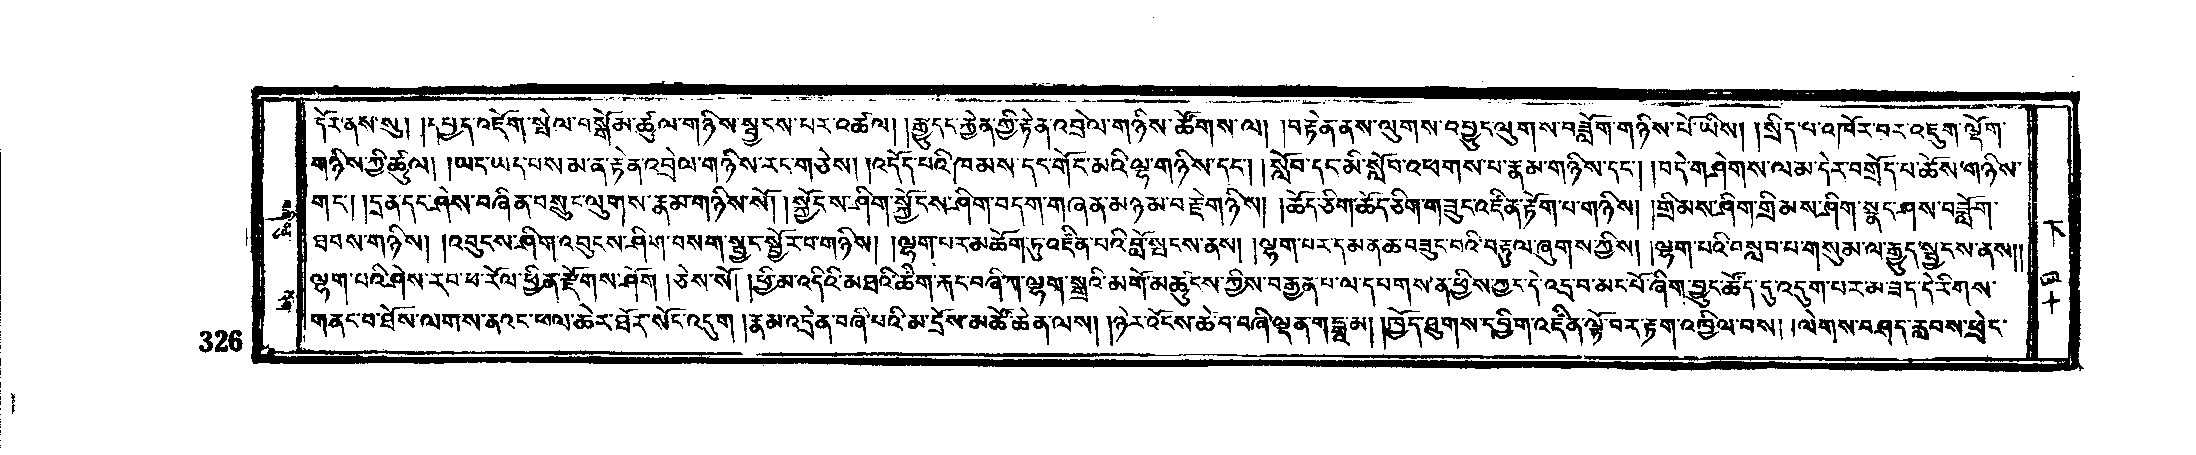དོར་ནས་སུ། །དཔྱད་འཇོག་སྤེལ་བསྒོམ་ཚུལ་གཉིས་སྦྱངས་པར་འཚལ། །རྒྱུ་དང་རྐྱེན་གྱི་རྟེན་འབྲེལ་གཉིས་ཚོགས་ལ། །བརྟེན་ནས་ལུགས་འབྱུང་ལུགས་བཟློག་གཉིས་པོ་ཡིས། །སྲིད་པ་འཁོར་བར་འཇུག་ལྡོག་
གཉིས་ཀྱི་ཚུལ། །ཡང་ཡད?་བསམ་ན་རྟེན་འབྲེལ་གཉིས་རང་གཅེས། །འདོད་པའི་ཁམས་དང་གོང་མའི་ལྷ་གཉིས་དང་། །སློབ་དང་མི་སློབ་འཕགས་པ་རྣམ་གཉིས་དང་། །བདེ་གཤེགས་ལམ་དེར་བགྲོད་པ་ཆོས་གཉིས་
གང་། །དྲན་དང་ཤེས་བཞིན་བསྲུང་ལུགས་རྣམ་གཉིས་སོ། །སྐྱོངས་ཤིག་སྐྱོངས་ཤིག་བདག་གཞན་མཉམ་བརྗེ་གཉིས། །ཆོད་ཅིག་ཆོད་ཅིག་གཟུང་འཛིན་རྟོག་པ་གཉིས། །གྲིམས་ཤིག་གྲིམས་ཤིག་སྣང་ཤས་བཟློག་
ཐབས་གཉིས། །འབུངས་ཤིག་འབུངས་ཤིག་བསག་སྦྱང་སྦྱོར་བ་གཉིས། །ལྷག་པར་མཆོག་ཏུ་འཛིན་པའི་བློ་སྤངས་ནས། །ལྷག་པར་དམན་ཆ་བཟུང་བའི་བརྟུལ་ཞུགས་ཀྱིས། །ལྷག་པའི་བསླབ་པ་གསུམ་ལ་རྒྱུད་སྦྱངས་ནས།།
ལྷག་པའི་ཤེས་རབ་ཕ་རོལ་ཕྱིན་རྫོགས་ཤོག །ཅེས་སོ། །ཕྱི་མ་འདིའི་མཐའི་ཚིག་རྐང་བཞི་ཀ་ལྷག་སྒྲའི་མགོ་མཚུངས་ཀྱིས་བརྒྱན་པ་ལ་དཔགས་ན་ཕྱིས་ཀྱང་དེ་འདྲ་བ་མང་པོ་ཞིག་བྱུང་ཚོད་དུ་འདུག་པར་མ་ཟད་དེ་རིགས་
གནང་བ་ཐོས་ལགས་ནའང་ཕལ་ཆེར་ཐོར་སོང་འདུག །རྣམ་འདྲེན་བཞི་པའི་མ་དྲོས་མཚོ་ཆེན་ལས། །ཉེར་འོངས་ཚེ་བ་བཞི་ལྡན་གངྒཱ་མ། །ཁྱོད་ཐུགས་དབྱིག་འཛིན་ལྟོ་བར་རྟག་འཁྱིལ་བས། །ལེགས་བཤད་རླབས་ཕྲེང་